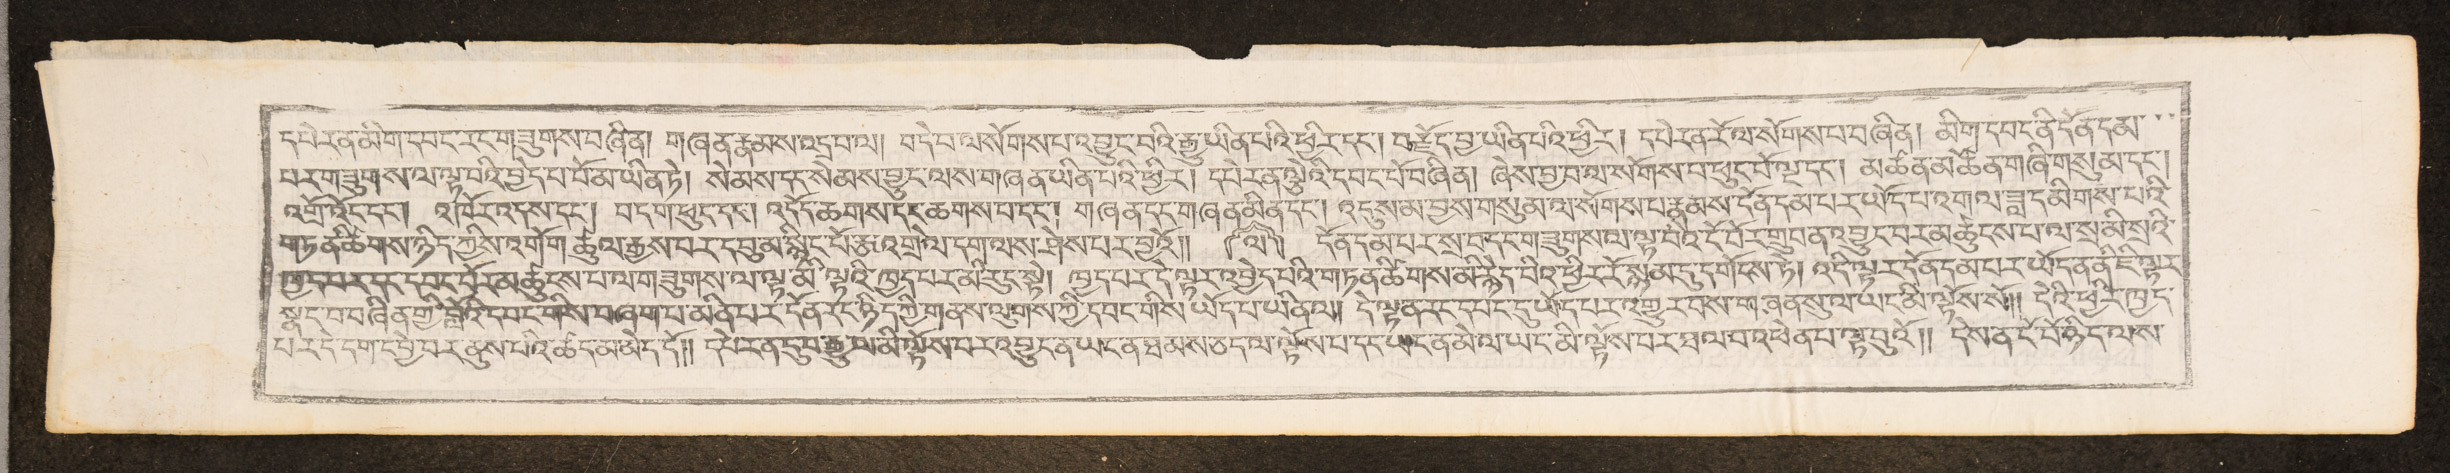དཔེར་ན་མིག་དབང་རང་གཟུགས་བཞིན། །གཞན་རྣམས་འདྲ་བ་ལ། བདེ་པ་ལ་སོགས་པ་འབྱུང་བའི་རྒྱུ་ཡིན་པའི་ཕྱིར་དང་། བརྗོད་བྱ་ཡིན་པའི་ཕྱིར། དཔེར་ན་རོ་ལ་སོགས་པ་བཞིན། མིག་དབང་ནི་དོན་དམ་
པར་གཟུགས་ལ་ལྟ་བའི་བྱེད་པ་པོ་མ་ཡིན་ཏེ། སེམས་དང་སེམས་བྱུང་ལས་གཞན་ཡིན་པའི་ཕྱིར། དཔེར་ན་ལྕེའི་དབང་པོ་བཞིན་། ཞེས་བྱ་བ་ལ་སོགས་པ་ཕུང་པོ་ལྔ་དང་། མཚན་མཚོན་གཞི་གསུམ་དང་།
འགྲོ་འོང་དང་། འཁོར་འདས་དང་། བདག་ཕུང་དང་། འདོད་ཆགས་སྡང་ཆགས་པ་དང་། གཞན་དང་གཞན་མིན་དང་། འདུས་མ་བྱས་གསུམ་ལ་སོགས་པ་རྣམས་དོན་དམ་པར་ཡོད་པ་འགལ་ཟླ་དམིགས་པའི་
གཏན་ཚིགས་ཉིད་ཀྱིས་འགོག་ཚུལ་རྒྱས་པར་དབུ་མ་སྙིང་པོ་རྩ་འགྲེལ་དག་ལས་ཤེས་པར་བྱའོ།། ༼༽ལ༼༽ དོན་དམ་པར་སྲ་བ་དང་གཟུགས་ལ་ལྟ་བའི་ངོ་བོར་གྲུབ་ན་འབྱུང་བར་མཚུངས་པ་ལ་སྲ་མི་སྲའི་
ཁྱད་པར་དང་དབང་པར་མཚུངས་པ་ལ་གཟུགས་ལ་ལྟ་མོ་ལྟའི་ཁྱད་པར་མི་རུང་སྟེ། ཁྱད་པར་དེ་ལྟར་འབྱེད་པའི་གཏན་ཚིགས་མི་རྙེད་པའི་ཕྱིར་རོ་སྙམ་དུ་དགོངས་ཏེ། འདི་ལྟར་དོན་དམ་པར་ཡོད་ན་ནི་ཇི་ལྟར་
སྣང་བ་བཞིན་གྱི་བློའི་དབང་གིས་བཞག་པ་མིན་པར་དོན་རང་ཉིད་ཀྱི་གནས་ལུགས་ཀྱི་དབང་གིས་ཡོད་པ་ཡིན་ལ་། །དེ་ལྷ་ན་རང་དབང་དུ་ཡོད་པར་འགྱུར་པས་གཞན་སུ་ལ་ཡང་མི་ལྟོས་སོ།། དེའི་ཕྱིར་ཁྱད་
པར་དེ་དག་དབྱེ་བར་ནུས་པའི་ཚད་མ་མེད་དོ།། དཔེར་ན་དུ་རྒྱུ་ལ་མི་ལྟོས་བར་འབྱུང་ན་ཡང་ན་ཐམས་ཅད་ལ་ལྟོས་པ་དང་ཡང་ན་མེ་ལ་ཡང་མི་ལྟོས་པར་ཐལ་བ་འཕེན་པ་ལྟ་བུའོ།། དེས་ན་ངོ་བོ་ཉིད་ལས་